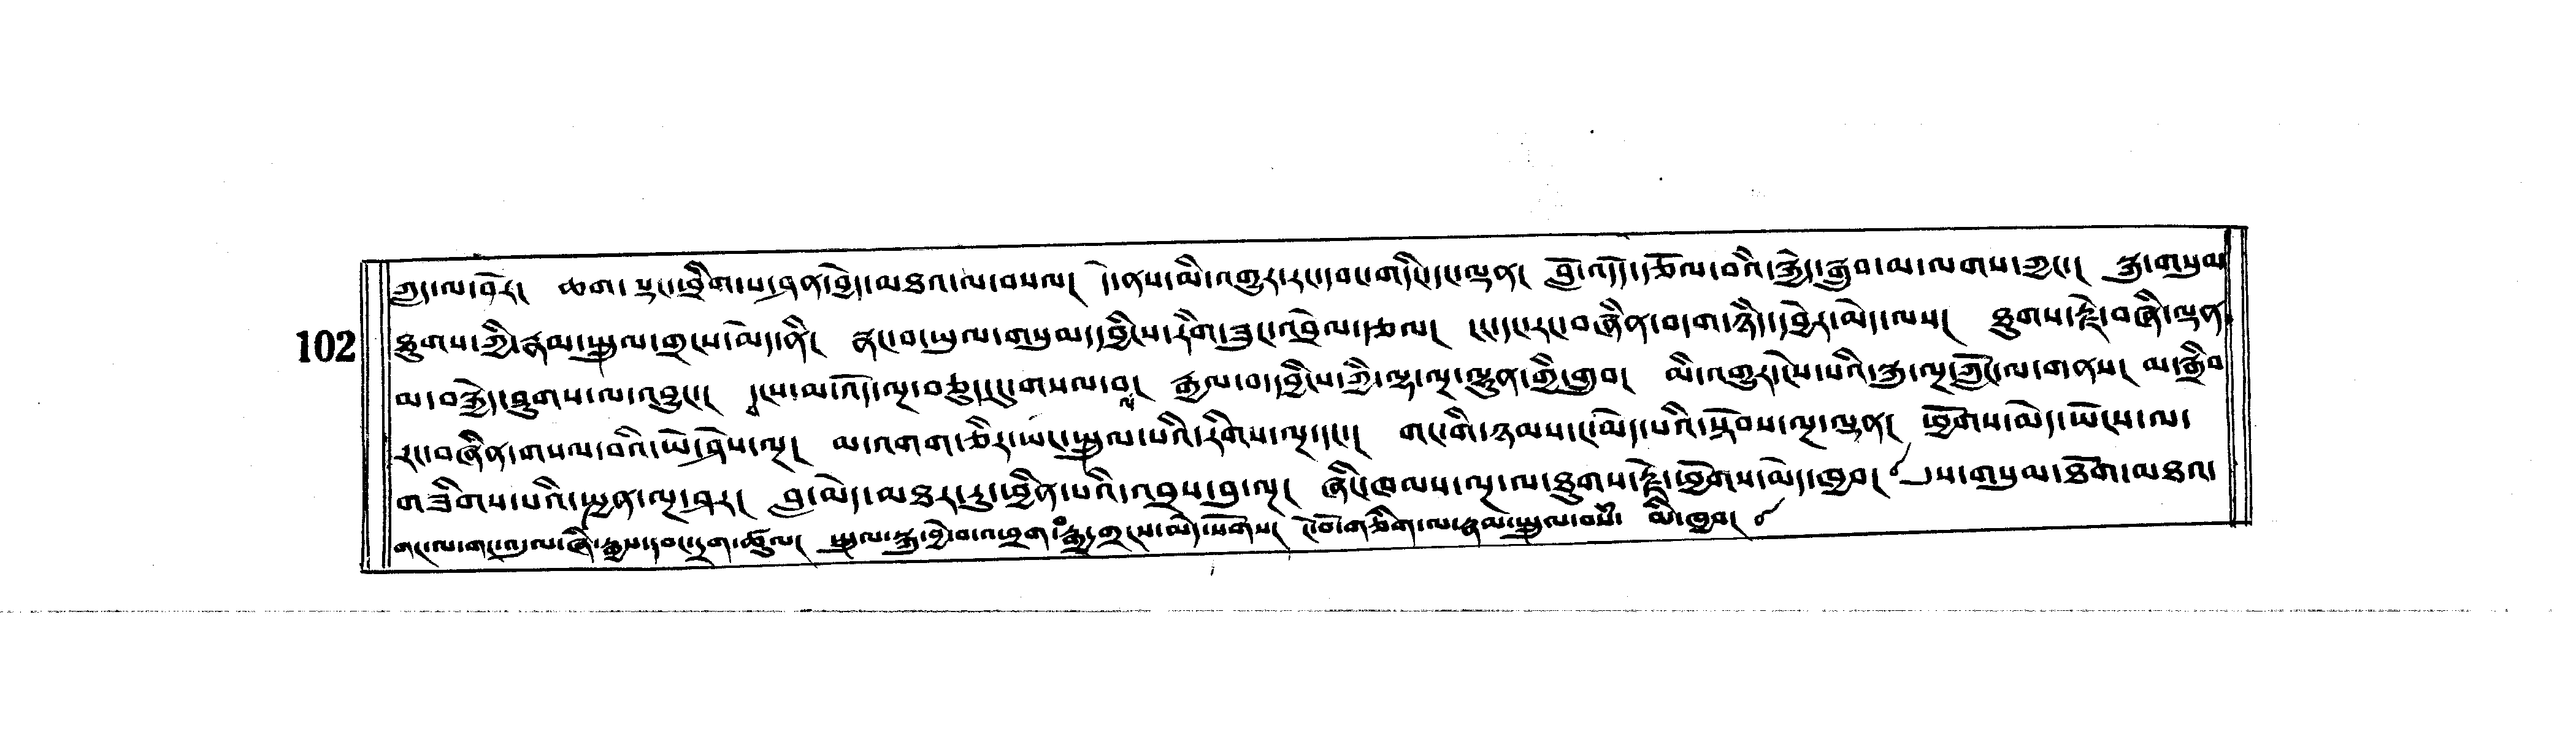ཀླད་ལ་བོར། ཆགས་སྡང་ཕྲིག་པ་ཤན་འབྱེད་མཐའ་ལ་བསལ། དེ་ནས་མི་འགྱུར་རང་དབང་གདེང་དང་ལྡན། བློ་འདོད་རྩོལ་བའི་སྐྱེད་སྒྲུབ་མ་ལགས་ཀྱང་། སྐུ་གསུང་
ཐུགས་ཀྱི་རྣམ་སྤྲུལ་གྲངས་མེད་ནི། སྣང་བ་ཡུལ་གསུམ་དབྱིངས་རིག་ཟུང་འབྲེལ་རྩལ། ངང་དང་རང་བཞིན་བདག་ཉིད་དབྱེར་མེད་ལས། ཐུགས་རྗེ་བཞི་ལྡན་
མ་བསྐྱེད་ཤུགས་ལ་འབྱུང་། དྭངས་མ་འོད་ལྔ་བཅུད་དུ་གསལ་བ་ལ། རྒྱལ་བ་དབྱིངས་ཀྱི་ལྷ་ལྔ་ལྷུན་གྱིས་གྲུབ། མི་འགྱུར་ངེས་པའི་སྐུ་ལྔ་ཀློང་ལ་གནས། མ་སྒྲིབ་
རང་བཞིན་གསལ་བའི་ཡེ་ཤེས་ལྔ། མ་འགག་ཅིར་ཡང་སྤྲུལ་པའི་རིགས་ལྔ་དང་། གང་གི་ཉམས་ང་མེད་པའི་སྟོབས་ལྔ་ལྡན། ཕྱོགས་མེད་ཡོངས་ལ་
གཟིགས་པའི་སྤྱན་ལྔ་ཤར། བླ་མེད་མཐའ་རུ་ཕྱིན་པའི་འབྲས་བུ་ལྔ། ཞིང་ཁམས་ལྔ་ལ་ཐུགས་རྗེ་ཕྱོགས་མེད་ཁྱབ། དུས་གསུམ་ཐོག་མཐའ་
གང་ལ་གང་འདུལ་ཞི་རྒྱས་དབང་དྲག་ཚུལ།སྤྲུལ་སྐུ་བྱེ་བ་ཕྲག་བརྒྱ་གྲངས་མེད་སོགས། ངོ་བོ་གཅིག་ལ་རྣམ་སྤྲུལ་བསམ་མི་ཁྱབ།